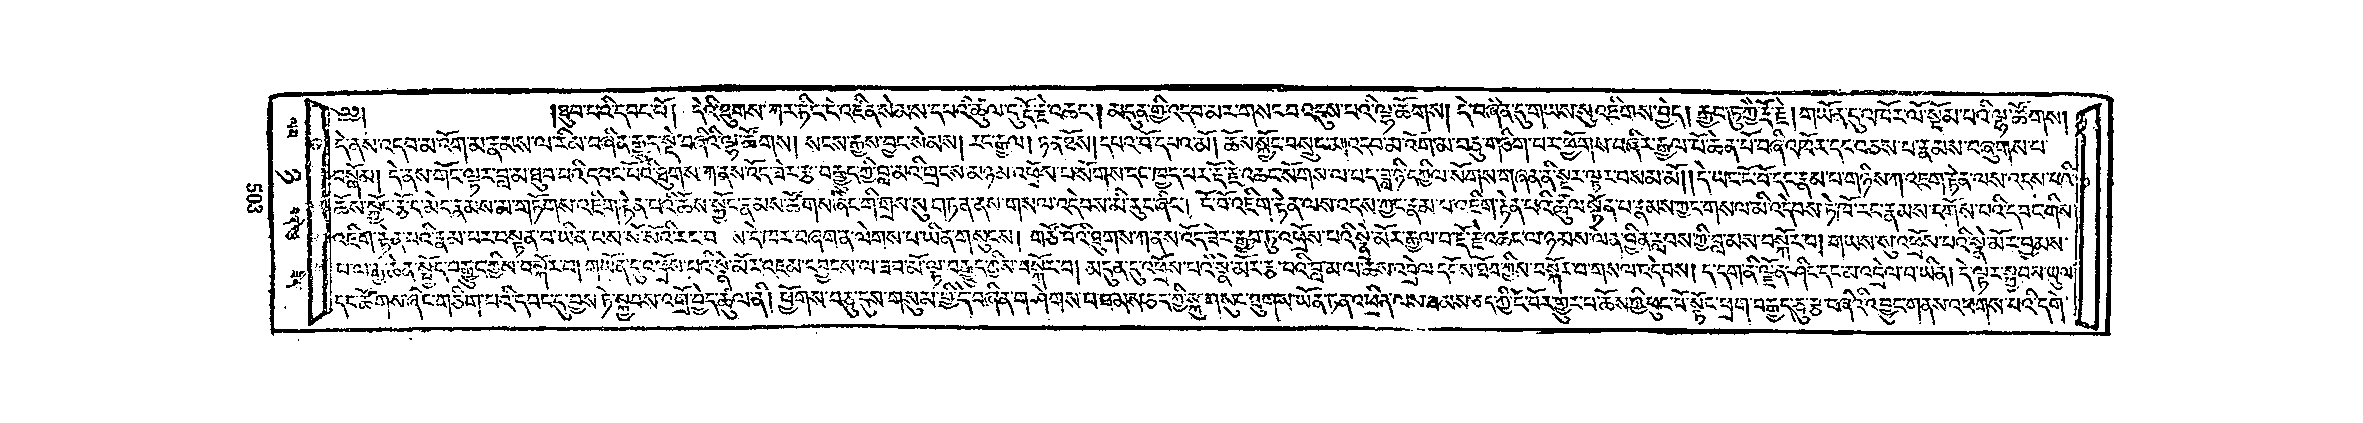༄༅། །ཐུབ་པའི་དབང་པོ། དེའི་ཐུགས་ཀར་ཏིང་ངེ་འཛིན་སེམས་དཔའི་ཚུལ་དུ་རྡོ་རྗེ་འཆང་། མདུན་གྱི་འདབ་མར་གསང་བ་འདུས་པའི་ལྷ་ཚོགས། དེ་བཞིན་དུ་གཡས་སུ་འཇིགས་བྱེད། རྒྱབ་ཏུ་ཀྱཻ་རྡོ་རྗེ། གཡོན་དུ་འཁོར་ལོ་སྡོམ་པའི་ལྷ་ཚོགས།
དེ་ནས་འདབ་མ་འོག་མ་རྣམས་ལ་རིམ་བཞིན་རྒྱུད་སྡེ་བཞིའི་ལྷ་ཚོགས། སངས་རྒྱས་བྱང་སེམས། རང་རྒྱལ། ཉན་ཐོས། དཔའ་བོ་དཔའ་མོ། ཆོས་སྐྱོང་བསྲུང་མ། འདབ་མ་འོག་མ་བཅུ་གཅིག་པར་ཕྱོགས་བཞིར་རྒྱལ་པོ་ཆེན་པོ་བཞི་འཁོར་དང་བཅས་པ་རྣམས་བཞུགས་པ་
བསྒོམ། དེ་ནས་གོང་ལྟར་བླ་མ་ཐུབ་པའི་དབང་པོའི་ཐུགས་ཀ་ནས་འོད་ཟེར་རྩ་བརྒྱུད་ཀྱི་བླ་མའི་གྲངས་མཉམ་འཕྲོས་པ་སོགས་དང་ཁྱད་པར་རྡོ་རྗེ་འཆང་སོགས་ལ་པད་ཟླ་ཉི་དཀྱིལ་སོགས་གཞན་ནི་སྔར་ལྟར་བསམ་མོ། །དེ་ཡང་ངོ་བོ་དང་རྣམ་པ་གཉིས་ཀ་འཇག་རྟེན་ལས་འདས་པའི་
ཆོས་སྐྱོང་རྩོད་མེད་རྣམས་མ་གཏོགས་འཇིག་རྟེན་པའི་ཆོས་སྐྱོང་རྣམས་ཚོགས་ཞིང་གི་གྲས་སུ་གཏན་ནས་གསལ་འདེབས་མི་རུང་ཞིང་། ངོ་བོ་འཇིག་རྟེན་ལས་འདས་ཀྱང་རྣམ་པ་འཇིག་རྟེན་པའི་ཚུལ་སྟོན་པ་རྣམས་ཀྱང་གསལ་མི་འདེབས་ཏེ་ཁོ་རང་རྣམས་དགོས་པའི་དབང་གིས་
འཇིག་རྟེན་པའི་རྣམ་པར་བསྟན་པ་ཡིན་པས་སོ་སོའི་རང་བས་དེ་ཁར་བཞག་ན་ལེགས་པ་ཡིན་གསུངས། གཙོ་བོའི་ཐུགས་ཀ་ནས་འོད་ཟེར་རྒྱབ་ཏུ་འཕྲོས་པའི་སྣེ་མོར་རྒྱལ་བ་རྡོ་རྗེ་འཆང་ལ་ཉམས་ལེན་བྱིན་རླབས་ཀྱི་བླ་མས་བསྐོར་བ། གཡས་སུ་འཕྲོས་པའི་སྣེ་མོར་བྱམས་
པ་ལ་རྒྱ་ཆེན་སྤྱོད་བརྒྱུད་ཀྱིས་བསྐོར་བ། གཡོན་དུ་འཕྲོས་པའི་སྣེ་མོར་འཇམ་དབྱངས་ལ་ཟབ་མོ་ལྟ་བརྒྱུད་ཀྱིས་བསྐོར་བ། མདུན་དུ་འཕྲོས་པའི་སྣེ་མོར་རྩ་བའི་བླ་མ་ལ་ཆོས་འབྲེལ་དངོས་ཐོབ་ཀྱིས་བསྐོར་བ་གསལ་འདེབས། ད་དག་ནི་ལྗོན་ཤིང་དང་མ་འབྲེལ་བ་ཡིན། དེ་ལྟར་སྐྱབས་ཡུལ་
དང་ཚོགས་ཞིང་གཅིག་པའི་དབང་དུ་བྱས་ཏེ་སྐྱབས་འགྲོ་བྱེད་ཚུལ་ནི། ཕྱོགས་བཅུ་དུས་གསུམ་གྱི་དེ་བཞིན་གཤེགས་པ་ཐམས་ཅད་ཀྱི་སྐུ་གསུང་ཐུགས་ཡོན་ཏན་འཕྲིན་ལས་ཐམས་ཅད་ཀྱི་ངོ་བོར་གྱུར་པ་ཆོས་ཀྱི་ཕུང་པོ་སྟོང་ཕྲག་བརྒྱད་ཅུ་རྩ་བཞིའི་འབྱུང་གནས་འཕགས་པའི་དགེ་